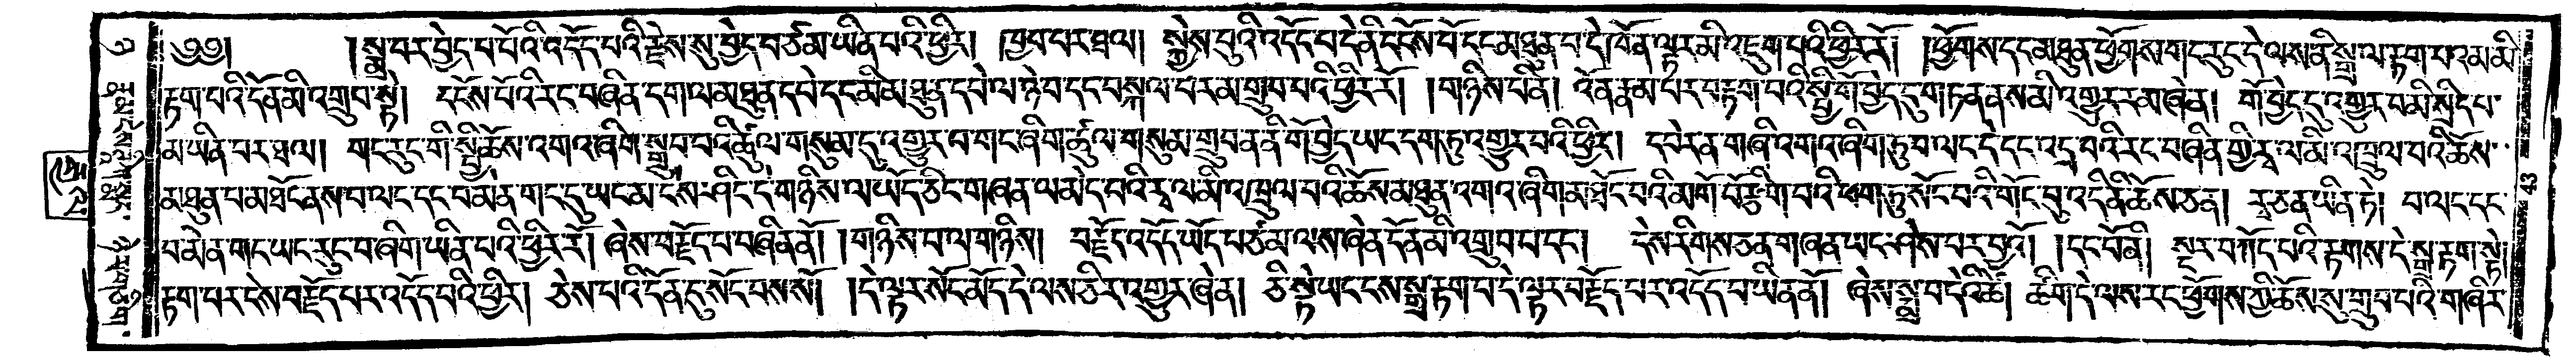༄༅། །སྨྲ་བར་བྱེད་པ་པོའི་འདོད་པའི་རྗེས་སུ་བྱེད་བ་ཙམ་ཡིན་པའི་ཕྱིར། ཁྱབ་པར་ཐལ། སྐྱེས་བུའི་འདོད་པ་དེ་ནི་དངོས་པོ་དང་མཐུན་པ་དེ་ཁོ་ན་ལྟར་མི་འཇུག་པའི་ཕྱིར་རོ། །ཕྱོགས་དང་མཐུན་ཕྱོགས་གང་རུང་དེ་ལས་ནི་སྒྲ་ལ་རྟག་པའམ་མི་
རྟག་པའི་དོན་མི་འགྲུབ་སྟེ། དངོས་པོའི་རང་བཞིན་དག་ལ་མཐུན་དཔེ་དང་མི་མཐུན་དཔེ་ལ་ཉེ་བ་དང་བསྐལ་བར་མ་གྲུབ་པའི་ཕྱིར་རོ། །གཉིས་པ་ནི། འོན་རྣམ་པར་བརྟག་པའི་སྤྱི་གོ་བྱེད་དུ་གཏན་ནས་མི་འགྱུར་རམ་ཞེ་ན། གོ་བྱེད་དུ་འགྱུར་བ་མི་སྲིད་པ་
མ་ཡིན་པར་ཐལ། གང་རུང་གི་སྤྱི་ཆོས་འགའ་ཞིག་སྒྲུབ་པའི་ཚུལ་གསུམ་དུ་འགྱུར་བ་གང་ཞིག་ཚུལ་གསུམ་གྲུབ་ན་ནི་གོ་བྱེད་ཡང་དག་ཏུ་འགྱུར་བའི་ཕྱིར། དཔེར་ན་གཞི་འགའ་ཞིག་ཏུ་བ་ལང་དེ་དང་འདྲ་བའི་རང་བཞིན་གྱི་རྭ་ལ་མི་འཁྲུལ་བའི་ཆོས་
མཐུན་པ་མཐོང་ནས་བ་ལང་དང་བ་མེན་གང་དུ་ཡང་མ་ངེས་ཤིང་དེ་གཉིས་ལ་ཡོད་ཅིང་གཞན་ལ་མེད་པའི་རྭ་ལ་མི་འཁྲུལ་བའི་ཆོས་མཐུན་འགའ་ཞིག་མཐོང་བའི་མགོ་བོ་རྩིག་བའི་ཕག་ཏུ་སོང་བའི་གོང་བུ་འདི་ནི་ཆོས་ཅན། རྭ་ཅན་ཡིན་ཏེ། བ་ལང་དང་
པ་མེན་གང་ཡང་རུང་བ་ཞིག་ཡིན་པའི་ཕྱིར་རོ། ཞེས་བརྗོད་པ་བཞིན་ནོ། །གཉིས་པ་ལ་གཉིས། བརྗོད་འདོད་ཡོད་པ་ཙམ་ལས་ཞེན་དོན་མི་འགྲུབ་པ་དང་། དེས་རིགས་ཅན་གཞན་ཡང་ཤེས་པར་བྱའོ། །དང་པོ་ནི། སྔར་བཀོད་པའི་རྟགས་དེ་སྒྲ་རྟག་སྟེ།
རྟག་པར་ངེས་བརྗོད་པར་འདོད་པའི་ཕྱིར། ཅེས་པའི་དོན་དུ་སོང་བས་སོ། །དེ་ལྟར་སོང་མོད་དེ་ལས་ཅིར་འགྱུར་ཞེ་ན། ཅི་སྟེ་ཡང་ངས་སྒྲ་རྟག་པ་དེ་ལྟར་བརྗོད་པར་འདོད་པ་ཡིན་ནོ། ཞེས་སྨྲ་བདེའི་ཚེ། ཚིག་དེ་ལས་རང་ཕྱོགས་ཀྱི་ཆོས་སུ་གྲུབ་པའི་གཞིར་